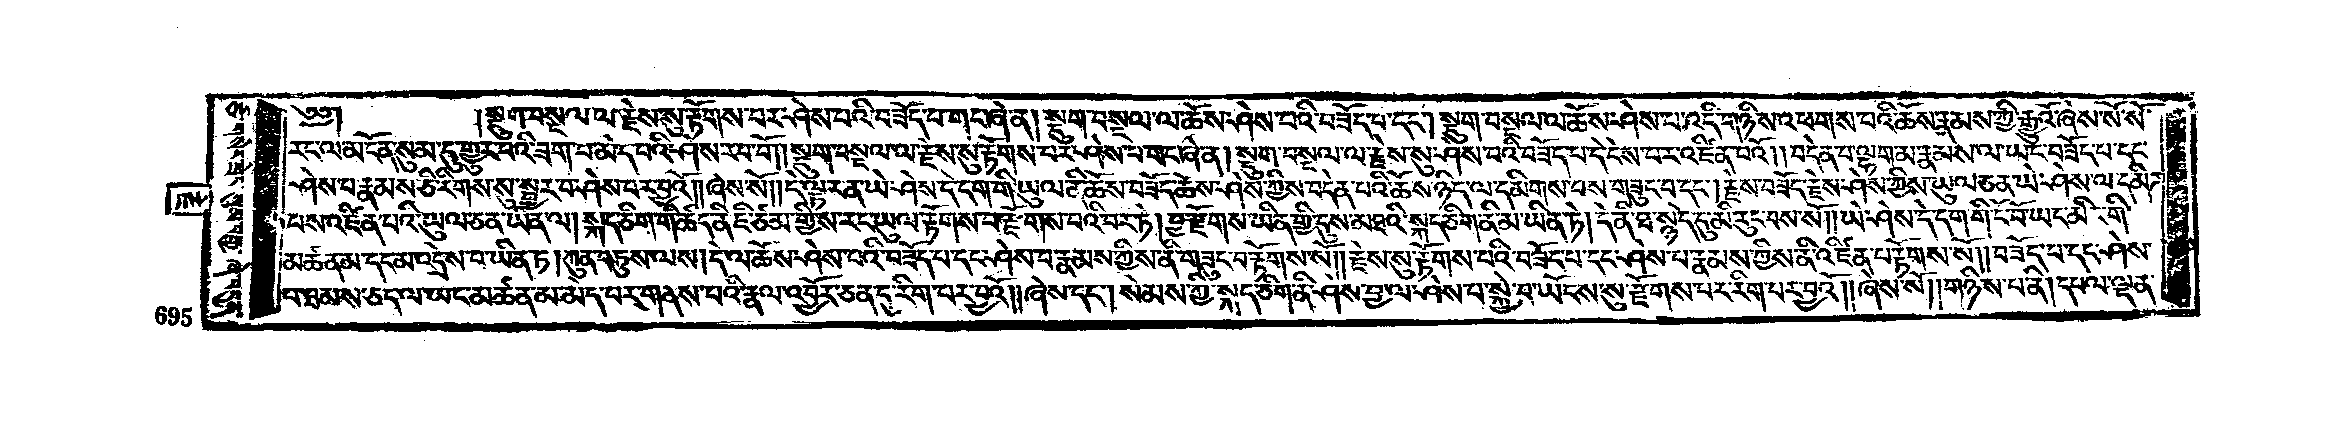༄༅། །སྡུག་བསྔལ་ལ་རྗེས་སུ་རྟོགས་པར་ཤེས་པའི་བཟོད་པ་གང་ཞེ་ན། སྡུག་བསྔལ་ལ་ཆོས་ཤེས་པའི་བཟོད་པ་དང་། སྡུག་བསྔལ་ལ་ཆོས་ཤེས་པ་འདི་གཉིས་འཕགས་པའི་ཆོས་རྣམས་ཀྱི་རྒྱུའོ་ཞེས་སོ་སོ་
རང་ལ་མངོན་སུམ་དུ་གྱུར་པའི་ཟག་པ་མེད་པའི་ཤེས་རབ་བོ། །སྡུག་བསྔལ་ལ་རྗེས་སུ་རྟོགས་པར་ཤེས་པ་གང་ཞེ་ན། སྡུག་བསྔལ་ལ་རྗེས་སུ་ཤེས་པའི་བཟོད་པ་དེ་ངེས་པར་འཛིན་པའོ། །བདེན་པ་ལྷག་མ་རྣམས་ལ་ཡང་བཟོད་པ་དང་
ཤེས་པ་རྣམས་ཅི་རིགས་སུ་སྦྱར་བ་ཤེས་པར་བྱའོ། །ཞེས་སོ། །དེ་ལྟར་ན་ཡེ་ཤེས་དེ་དག་གི་ཡུལ་ནི་ཆོས་བཟོད་ཆོས་ཤེས་ཀྱིས་བདེན་པའི་ཆོས་ཉིད་ལ་དམིགས་པས་གཟུང་བ་དང་། རྗེས་བཟོད་རྗེས་ཤེས་ཀྱིས་ཡུལ་ཅན་ཡེ་ཤེས་ལ་དམིགས་
པས་འཛིན་པའི་ཡུལ་ཅན་ཡིན་ལ། སྐད་ཅིག་གི་ཚད་ནི་ཇི་ཙམ་གྱིས་རང་ཡུལ་རྟོགས་པ་རྫོགས་པའི་བར་ཏེ། བྱ་རྫོགས་ཡིན་གྱི་དུས་མཐའི་སྐད་ཅིག་ནི་མ་ཡིན་ཏེ། དེ་ནི་ཐ་སྙད་དུ་མི་རུང་བས་སོ། །ཡེ་ཤེས་དེ་དག་གི་ངོ་བོ་ཡང་མིང་གི་
མཚན་མ་དང་མ་འདྲེས་པ་ཡིན་ཏེ། ཀུན་བཏུས་ལས། དེ་ལ་ཆོས་ཤེས་པའི་བཟོད་པ་དང་ཤེས་པ་རྣམས་ཀྱིས་ནི་གཟུང་བ་རྟོགས་སོ། །རྗེས་སུ་རྟོགས་པའི་བཟོད་པ་དང་ཤེས་པ་རྣམས་ཀྱིས་ནི་འཛིན་པ་རྟོགས་སོ། །བཟོད་པ་དང་ཤེས་
པ་ཐམས་ཅད་ལ་ཡང་མཚན་མ་མེད་པར་གནས་པའི་རྣལ་འབྱོར་ཅན་དུ་རིག་པར་བྱའོ། །ཞེས་དང་། སེམས་ཀྱི་སྐད་ཅིག་ནི་ཤེས་བྱ་ལ་ཤེས་པ་སྐྱེ་བ་ཡོངས་སུ་རྫོགས་པར་རིག་པར་བྱའོ། །ཞེས་སོ། །གཉིས་པ་ནི། དཔལ་ལྡན་